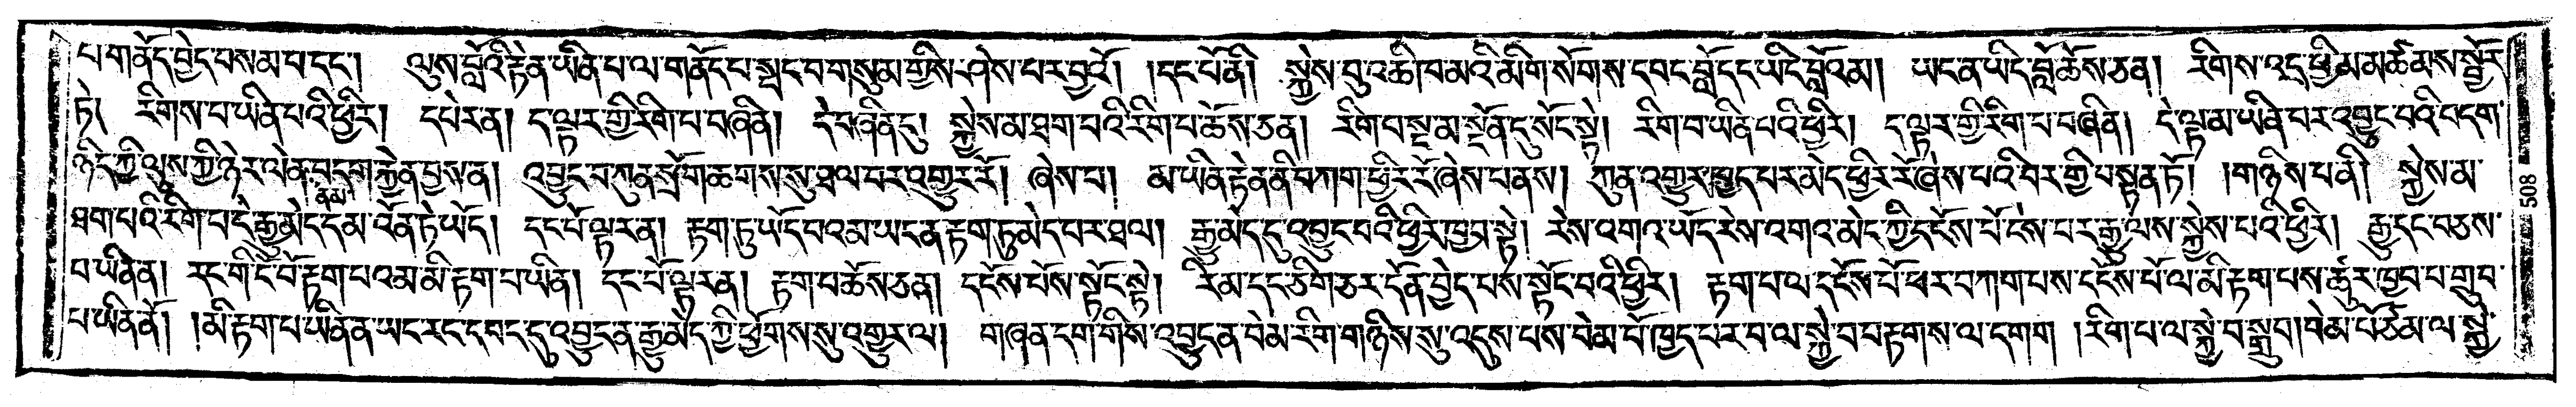པ་གནོད་བྱེད་བསམ་པ་དང་། ལུས་བློའི་རྟེན་ཡིན་པ་ལ་གནོད་པ་སྤང་བ་གསུམ་གྱིས་ཤེས་པར་བྱའོ། །དང་པོ་ནི། སྐྱེས་བུ་འཆི་ཁ་མའི་མིག་སོགས་དབང་བློ་དང་ཡིད་བློའམ། ཡང་ན་ཡིད་བློ་ཆོས་ཅན། རིགས་འདྲ་ཕྱི་མ་མཚམས་སྦྱོར་
ཏེ། རིགས་པ་ཡིན་པའི་ཕྱིར། དཔེར་ན། ད་ལྟར་གྱི་རིག་པ་བཞིན། དེ་བཞིན་དུ། སྐྱེས་མ་ཐག་པའི་རིག་པ་ཆོས་ཅན། རིག་པ་སྔ་མ་སྔོན་དུ་སོང་སྟེ། རིག་པ་ཡིན་པའི་ཕྱིར། ད་ལྟར་གྱི་རིག་པ་བཞིན། དེ་ལྟ་མ་ཡིན་པར་འབྱུང་བའི་བདག་
ཉིད་ཀྱི་ལུས་ཀྱི་ཉེར་ལེན་ནམ་བདག་རྐྱེན་བྱས་ན། འབྱུང་བ་ཀུན་སྲོག་ཆགས་སུ་ཐལ་བར་འགྱུར་རོ། ཞེས་པ། མ་ཡིན་རྟེན་ནི་བཀག་ཕྱིར་རོ་ཞེས་པ་ནས། ཀུན་འགྱུར་ཁྱད་པར་མེད་ཕྱིར་རོ་ཞེས་པའི་བར་གྱི་བསྟན་ཏོ། །གཉིས་པ་ནི། སྐྱེས་མ་
ཐག་པའི་རིག་པ་དེ་རྒྱུ་མེད་དམ་འོན་ཏེ་ཡོད། དང་པོ་ལྟར་ན། རྟག་ཏུ་ཡོད་པའམ་ཡང་ན་རྟག་ཏུ་མེད་པར་ཐལ། རྒྱུ་མེད་དུ་འབྱུང་བའི་ཕྱིར་ཁྱབ་སྟེ། རེས་འགའ་ཡོད་རེས་འགའ་མེད་ཀྱི་དངོས་པོ་ངེས་པར་རྒྱུ་ལས་སྐྱེས་པའི་ཕྱིར། རྒྱུ་དང་བཅས་
པ་ཡིན་ན། རང་གི་ངོ་བོ་རྟག་པའམ་མི་རྟག་པ་ཡིན། དང་པོ་ལྟར་ན། རྟག་པ་ཆོས་ཅན། དངོས་པོས་སྟོང་སྟེ། རིམ་དང་ཅིག་ཅར་དོན་བྱེད་པས་སྟོང་པའི་ཕྱིར། རྟག་པ་ལ་དངོས་པོ་ཕར་བཀག་པས་དངོས་པོ་ལ་མི་རྟག་པས་ཚུར་ཁྱབ་པ་གྲུབ་
པ་ཡིན་ནོ། །མི་རྟག་པ་ཡིན་ན་ཡང་རང་དབང་དུ་འབྱུང་ན་རྒྱུ་མེད་ཀྱི་ཕྱོགས་སུ་འགྱུར་ལ། གཞན་དག་གིས་འབྱུང་ན་བེམ་རིག་གཉིས་སུ་འདུས་པས་བེམ་པོ་ཁྱད་པར་བ་ལ་སྐྱེ་བ་བརྟགས་ལ་དགག །རིག་པ་ལ་སྐྱེ་བ་སྒྲུབ། བེམ་པོ་ཙམ་ལ་སྐྱེ་